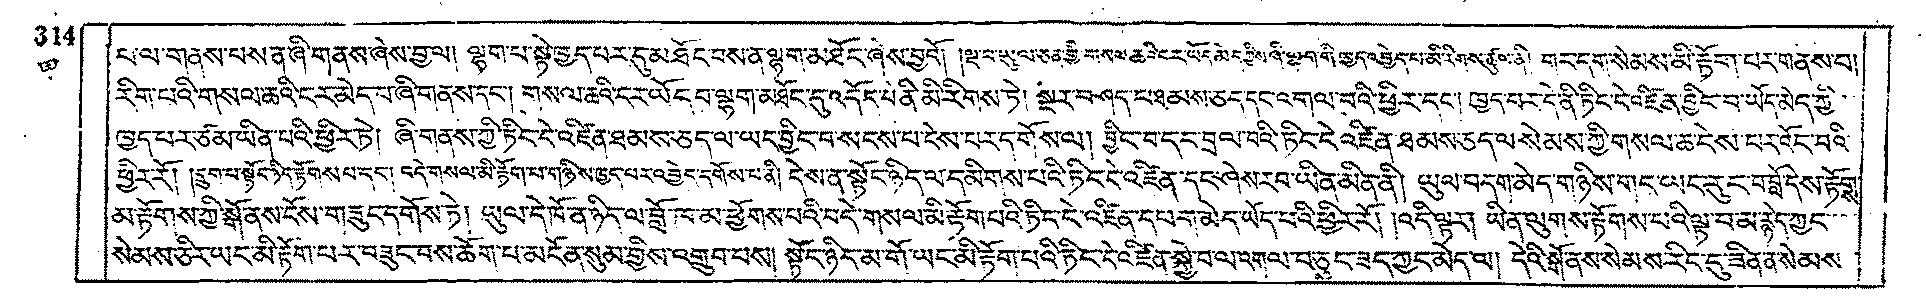པ་ལ་གནས་པས་ན་ཞི་གནས་ཞེས་བྱ་ལ། ལྷག་པ་སྟེ་ཁྱད་པར་དུ་མཐོང་བས་ན་ལྷག་མཐོང་ཞེས་བྱའོ། །ལྔ་པ་ཡུལ་ཅན་གྱི་གསལ་ཆའི་ངར་ཡོད་མེད་ཀྱིས་ཞི་ལྷག་གི་ཁྱད་འབྱེད་པ་མི་རིགས་ཚུལ་ནི།  གང་དག་སེམས་མི་རྟོག་པར་གནས་པ།
རིག་པའི་གསལ་ཆའི་ངར་མེད་པ་ཞི་གནས་དང་། གསལ་ཆའི་ངར་ཡོད་པ་ལྷག་མཐོང་དུ་འདོད་པ་ནི་མི་རིགས་ཏེ། སྔར་བཤད་པ་ཐམས་ཅད་དང་འགལ་བའི་ཕྱིར་དང་། ཁྱད་པར་དེ་ནི་ཏིང་ངེ་འཛིན་བྱིང་བ་ཡོད་མེད་ཀྱི་
ཁྱད་པར་ཙམ་ཡིན་པའི་ཕྱིར་ཏེ། ཞི་གནས་ཀྱི་ཏིང་ངེ་འཛིན་ཐམས་ཅད་ལ་ཡང་བྱིང་བ་སངས་པ་ངེས་པར་དགོས་ལ། བྱིང་བ་དང་བྲལ་བའི་ཏིང་ངེ་འཛིན་ཐམས་ཅད་ལ་སེམས་ཀྱི་གསལ་ཆ་ངེས་པར་འོང་བའི་
ཕྱིར་རོ། །དྲུག་པ་སྟོང་ཉིད་རྟོགས་པ་དང་། བདེ་གསལ་མི་རྟོག་པ་གཉིས་ཁྱད་པར་འབྱེད་དགོས་པ་ནི།  དེས་ན་སྟོང་ཉིད་ལ་དམིགས་པའི་ཏིང་ངེ་འཛིན་དང་ཤེས་རབ་ཡིན་མིན་ནི། ཡུལ་བདག་མེད་གཉིས་གང་ཡང་རུང་བ་བློ་དེས་རྟོགས་
མ་རྟོགས་ཀྱི་སྒོ་ནས་ངོས་གཟུང་དགོས་ཏེ། ཡུལ་དེ་ཁོ་ན་ཉིད་ལ་བློ་ཁ་མ་ཕྱོགས་པའི་བདེ་གསལ་མི་རྟོག་པའི་ཏིང་ངེ་འཛིན་དཔག་མེད་ཡོད་པའི་ཕྱིར་རོ། །འདི་ལྟར། ཡིན་ལུགས་རྟོགས་པའི་ལྟ་བ་མ་རྙེད་ཀྱང་
སེམས་ཅིར་ཡང་མི་རྟོག་པར་བཟུང་བས་ཆོག་པ་མངོན་སུམ་གྱིས་འགྲུབ་པས། སྟོང་ཉིད་མ་གོ་ཡང་མི་རྟོག་པའི་ཏིང་ངེ་འཛིན་སྐྱེ་བ་ལ་འགལ་བ་ཅུང་ཟད་ཀྱང་མེད་ལ། དེའི་སྒོ་ནས་སེམས་རིང་དུ་ཟིན་ན་སེམས་